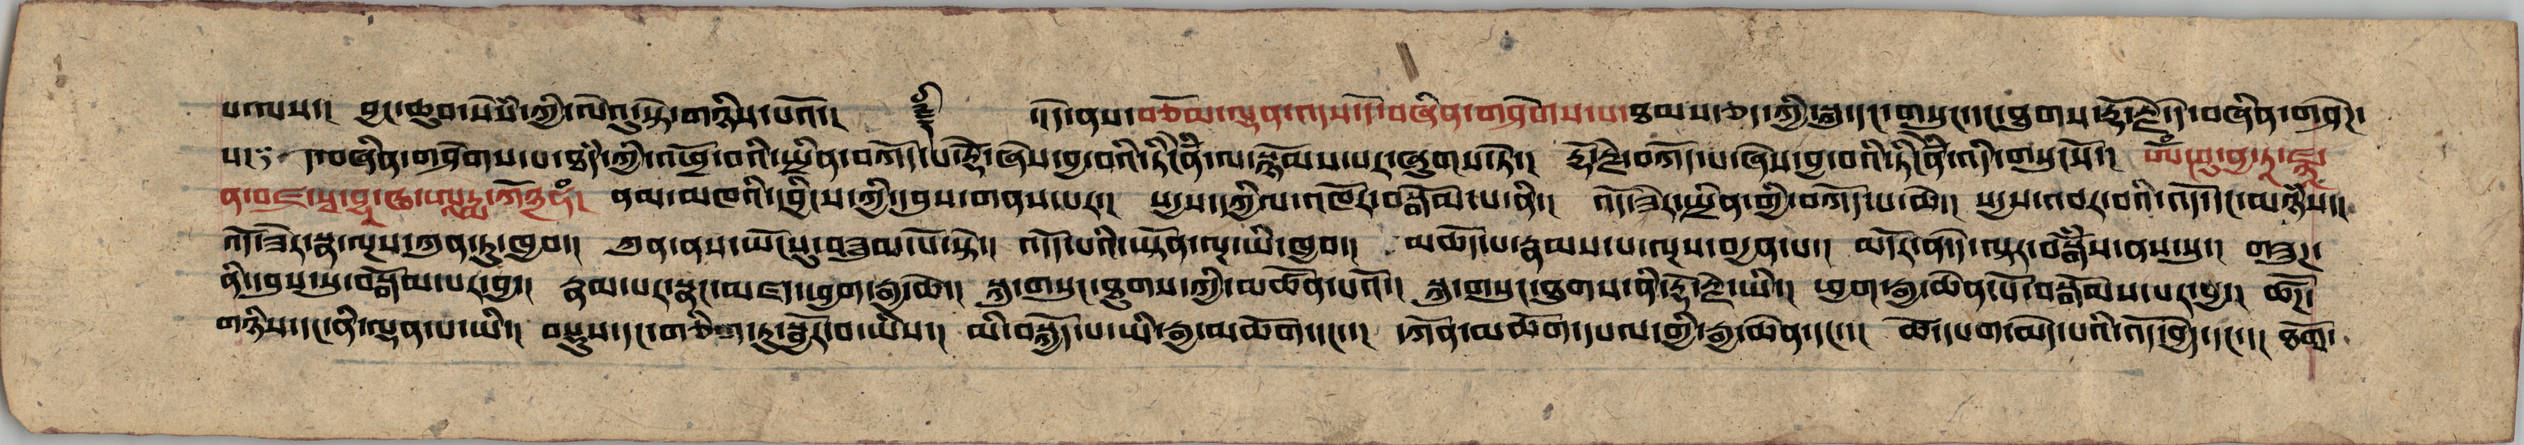པ་ལས་། བྱང་ཆུབ་སེཾས་ཀྱི་ལེའུ་སྟེ་གཉིས་པའོ་། ༈ ་།དེ་ནས་བཅོམ་ལྡན་འདས་དེ་བཞིན་གཤེགས་པ་ཐམས་ཅད་ཀྱི་སྐུ་དང་གསུང་དང་ཐུགས་རྡོ་རྗེ་དེ་བཞིན་གཤེཌ་
པ༑ ད་བཞིན་གཤེགས་པ་ཐཾད་ཀྱི་འཕྲོ་བའི་སྤྲིན་བཀོད་པ་རྡོེ་ཞེས་བྱ་བའི་ཏིངེཛིན་ལ་སྙོམས་པར་ཞུགས་ཏེ་། རྡོ་རྗེ་བཀོད་པ་ཞེས་བྱ་བའི་ཏིངེཛིན་འདི་གསུངསོ་། ཨོཾ་དབུ་ནྱ་ཏཱ་ཛྙ
ན་བཛྲ་སྭ་བྷ་ཝ་ཨཱརྨ་ཀོ྅ཧཾ། ནམ་མཁའི་དབྱིངས་ཀྱི་དབུས་གནས་པར་། སདྱས་དཀྱིལ་འཁོར་བསྒོམ་པ་ནི་། འོད་ཟེར་སྤྲིན་གྱི་བཀོད་པ་ཆེ་། སདྱས་འབར་བའི་འོད་དང་མཉཾས་།
འོད་ཟེར་སྣ་ལྔས་ཀུན་ཏུ་ཁྱབ་། ཀུན་ནས་ཡོངསུ་བཟུམ་པོ་སྟེ་། འདོད་པའི་ཡྟོན་ལྔ་ཡི་ཁྱབ་། མཆོད་པ་རྣམས་པ་ལྔས་བདྱན་པ་། མདོར་ན་དེ་ལྟར་བསྒོཾས་ནས་སུ་། གཟུཌ་
ནི་དབུས་སུ་བསྒོམ་པར་བྱ་། རྣམ་པར་སྣང་མཛད་ཕྱག་རྒྱ་ཆེ་། སྐུ་གསུང་ཐུགས་ཀྱི་མཚོན་པའོ་། སྐུ་གསུང་ཐུགས་ནི་རྡོ་རྗེ་ཡི་། ཕྱག་རྒྱ་ཆེན་པོ་བསྒོམས་པར་བྱ་། ཚོཌ་
གཉིས་དང་ནི་ལྡན་པ་ཡི་། བསྡུས་དང་གཅིག་ཏུ་སྦྱོར་བ་ཡིས་། མི་བསྐྱོད་པ་ཡི་རྒྱ་མཆོག་དང་་། དཀོན་མཆོག་དཔལ་གྱི་རྒྱ་ཆེན་དང་་། ཚེ་དཔག་མེད་པའི་འོད་བྱེད་དང་་། ཐོག་